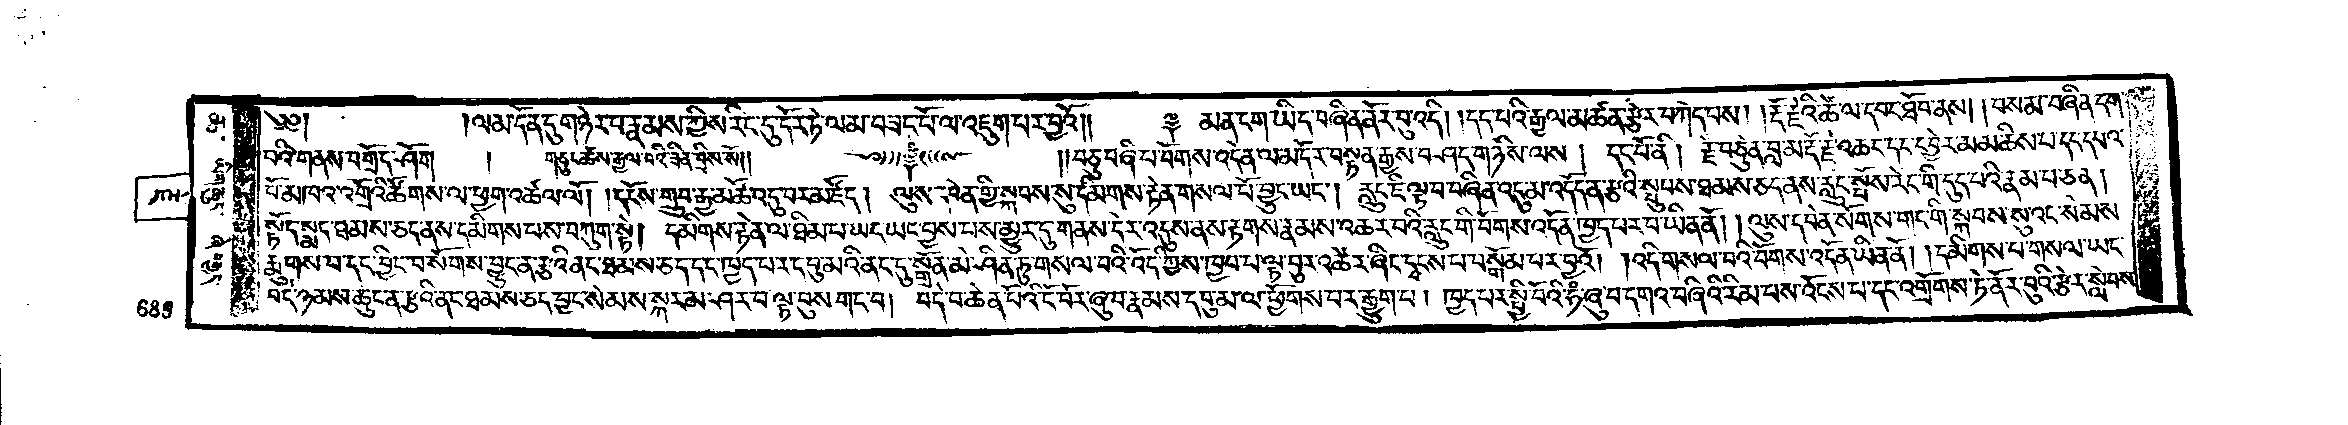༄༅། །ལམ་དོན་དུ་གཉེར་པ་རྣམས་ཀྱིས་རིང་དུ་དོར་ཏེ་ལམ་བཟང་པོ་ལ་འཇུག་པར་བྱའོ།། ༈ མན་ངག་ཡིད་བཞིན་ནོར་བུ་འདི། །དད་པའི་རྒྱལ་མཚན་རྩེར་བཀོད་པས། །རྡོ་རྗེའི་ཚེ་ལ་དབང་ཐོབ་ནས། །བསམ་བཞིན་དག་
པའི་གནས་བགྲོད་ཤོག ། གཅུང་ཆོས་རྒྱལ་བའི་ཟིན་བྲིས་སོ།། ༈ །།བཅུ་བཞི་པ་བོགས་འདོན་ལ་མདོར་བསྟན་རྒྱས་བཤད་གཉིས་ལས། དང་པོ་ནི། རྗེ་བཙུན་བླ་མ་རྡོ་རྗེ་འཆང་དང་དབྱེར་མ་མཆིས་པ་དང་དཔའ་
བོ་མཁའ་འགྲོའི་ཚོགས་ལ་ཕྱག་འཚལ་ལོ། །དངོས་གྲུབ་རྒྱ་མཚོ་འདུ་བར་མཛོད། ལུས་དབེན་གྱི་སྐབས་སུ་དམིགས་རྟེན་གསལ་པོ་བྱུང་ཡང་། རླུང་ཇི་ལྟ་བ་བཞིན་འདུ་མ་འདོད་ན་རྩའི་སྦུབས་ཐམས་ཅད་ནས་རླུང་སྤོས་རེང་གི་དུད་པའི་རྣམ་པ་ཅན།
སྟོད་སྨད་ཐམས་ཅད་ནས་དམིགས་པས་བཀུག་སྟེ། དམིགས་རྟེན་ལ་ཐིམ་པ་ཡང་ཡང་བྱས་པས་མྱུར་དུ་གནས་དེར་འདུས་ནས་རྟགས་རྣམས་འཆར་བའི་རླུང་གི་བོགས་འདོན་ཁྱད་པར་བ་ཡིན་ནོ། །ལུས་དབེན་སོགས་གང་གི་སྐབས་སུ་འང་སེམས་
རྨུགས་པ་དང་བྱིང་བ་སོགས་བྱུང་ན་རྩའི་ནང་ཐམས་ཅད་དང་ཁྱད་པར་དབུ་མའི་ནང་དུ་སྒྲོན་མེ་ཤིན་ཏུ་གསལ་བའི་འོད་ཀྱིས་ཁྱབ་པ་ལྟ་བུར་འཚོར་ཞིང་དྭངས་པ་བསྒོམ་པར་བྱའོ། །འདི་གསལ་བའི་བོགས་འདོན་ཡིན་ནོ། །དམིགས་པ་གསལ་ཡང་
བདེ་ཉམས་ཆུང་ན་རྩའི་ནང་ཐམས་ཅད་བྱང་སེམས་སྐར་མ་ཤར་བ་ལྟ་བུས་གང་བ། བདེ་བ་ཆེན་པོའི་ངོ་བོར་ཞུ་བ་རྣམས་དབུ་མ་ལ་ཕྱོགས་པར་རྒྱུག་པ། ཁྱད་པར་སྤྱི་བོའི་ཧཾ་ཞུ་བ་དགའ་བཞིའི་རིམ་པས་འོངས་པ་དང་འགྲོགས་ཏེ་ནོར་བུའི་རྩེར་སླེབས་